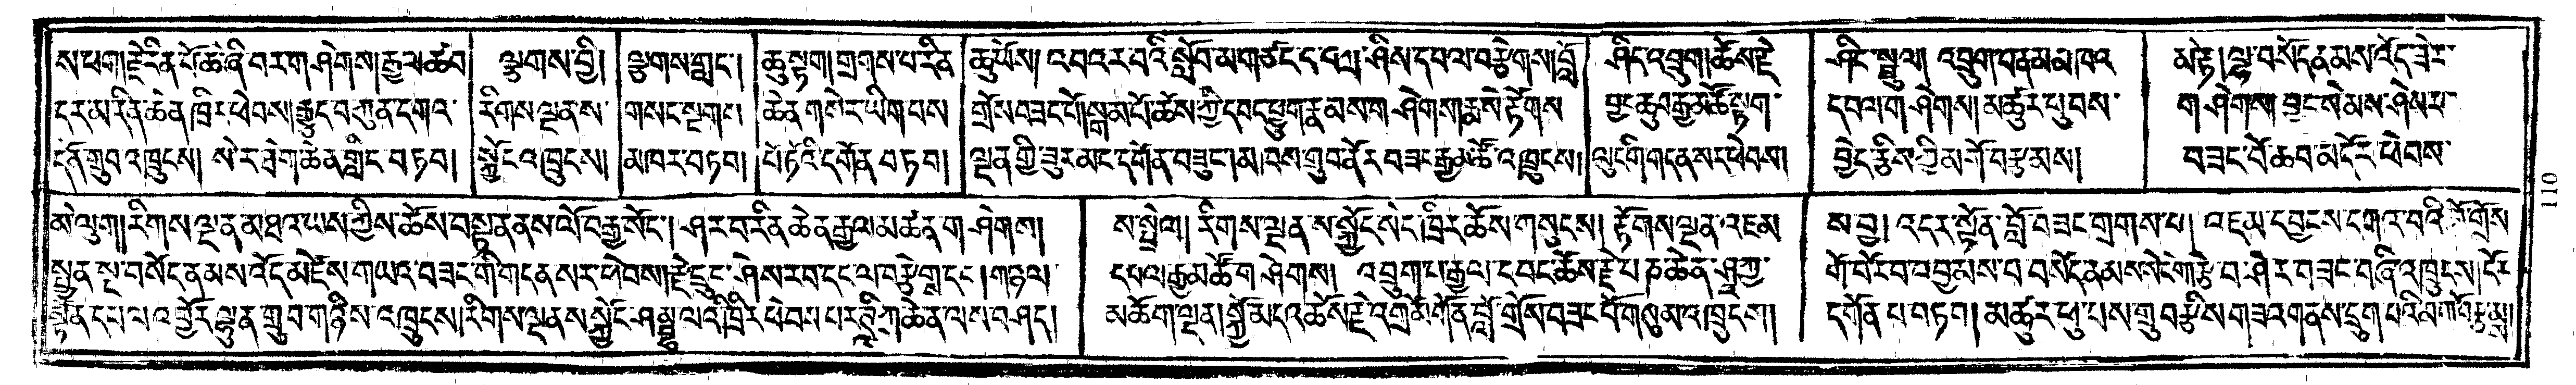ས་ཕག། རྗེ་རིན་པོ་ཆེ་ཞི་བར་གཤེགས། རྒྱལ་ཚབ། ལྕགས་བྱི། ལྕགས་གླང་། ཆུ་སྟག། གྲགས་པ་རིན། ཆུ་ཡོས། འབའ་ར་བའི་སློབ་མ་གཙང་ང་བཀྲ་ཤིས་དཔལ་བརྩེགས། བློ། ཤིང་འབྲུག། ཆོས་རྗེ། ཤིང་སྤྲུལ། འབྲུག་པ་ནམ་མཁའ། མེ་རྟ། ལྷ་བསོད་ནམས་འོད་ཟེར་
དར་མ་རིན་ཆེན་ཁྲིད་ཕེབས། རྒྱུད་བཀུན་དགའ། རིགས་ལྔན་ས། གསང་སྔགས། ཆེན་གསེང་ཡིག་བས། གྲོས་བཟང་པོ། སྐམ་པོ་ཆོས་ཀྱི་དབང་ཕྱུག་རྣམས་གཤེགས། རྨ་སེ་རྟོགས། བྱང་ཆུབ་རྒྱ་མཚོ་སྟག། དབལ་གཤེགས། མཚུར་པུབས། གཤེགས་བྱང་སེམས་ཤེས་པ་
དོན་གྲུབ་འཁྲུངས། སེར་ཐེག་ཆེན་གླིང་བཏབ། སྐྱོང་འཁྲུངས། མཁར་བཏབ། ལྡན་གྱི་ཟུར་མང་དགོན་བཟུང་། མཁས་གྲུབ་ནོར་བཟང་རྒྱ་མཚོ་འཁྲུངས། ལུང་གི་གདན་ས་དཔེབས། བྱེད་རྩིས་ཀྱི་མགོ་བརྩམས། བཟང་བོ་ཆབ་མདོར་ཕེབས་
མེ་ལུག། རིགས་ལྡན་མཐའ་ཡས་ཀྱིས་ཆོས་བསྟན་ནས་ལོ་བརྒྱ་སོང་། ཤར་བ་རིན་ཆེན་རྒྱལ་མཚན་གཤེགས། ས་སྤེརེལ། རིགས་ལྡན་ས་སྐྱོང་སེང་ཁྲི་ཆོས་གསུངས། རྟོགས་ལྡན་འཇམ། ས་བྱ། འདར་སྟོན་བློ་བཟང་གྲགས་པ། འཇམ་དབྱངས་དགའ་བའི་ཁོ་གྲོས་
སྤྱན་སྔ་སོང་ནམས་འོད་མཛེས་གཡའ་བཟང་གི་གདན་སར་ཕེབས། རྫེ་དྲུང་ཤེས་རབ་དང་ལ་རྩེགས་དང་། གཉའ། དཔལ་རྒྱལ་ཚོ་གཤེགས། འབྲུག་པ་རྒྱལ་དབང་ཆོས་རྗེ་པཎ་ཆེན་ཤཱཀྱ། གོ་བོར་བ་པ་བྱམས་པ་བསོད་ནམས་སེང་གེ། རྩེ་བཤེར་གཟང་བཞི་འཁྲུངས། དོར་
སྟོན་དཔལ་འབྱོར་ལྷུན་གྲུག་གཉིས་འཁྲུངས་རིགས་ལྡན་ས་སྐྱོང་ཤ་ཤྨྦྷ་ལའི་ཁྲིར་ཕེབས་པར་ཊཱི་ཀ་ཆེན་ལས་བཤད། མཆོག་ལྡན། སྐྱོ་མདའ་ཆོས་རྗེ་འགྲོ་མགོན་བློ་གྲོས་བཟང་པོ་གསུམ་འཁྲུངས། དགོན་པ་བཏབ། མཚུར་ཕུ་པས་གྲུབ་རྩིས་གཟའ་གནས་དྲུག་པའི་མག། བརྩམས་